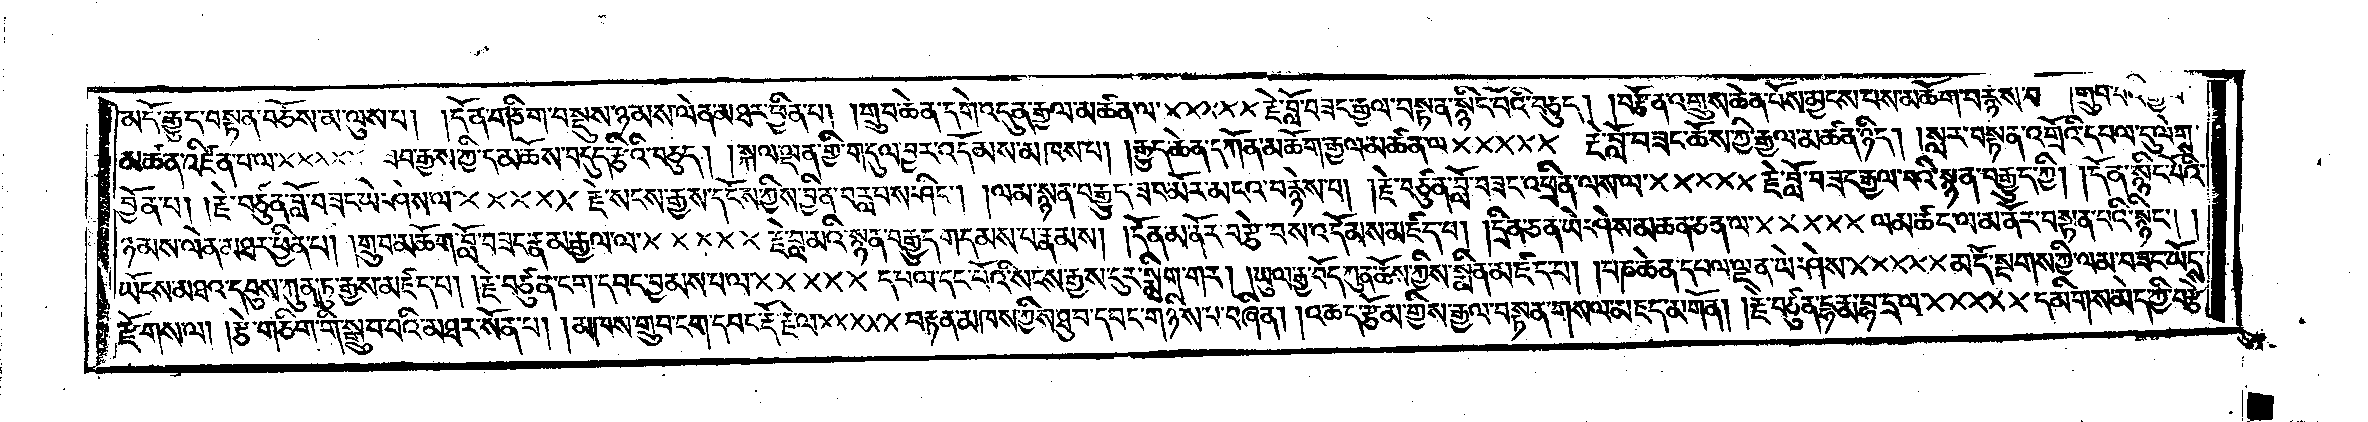མདོ་རྒྱུད་བསྟན་བཅོས་མ་ལུས་པ། །དོན་གཅིག་བསྡུས་ཉམས་ལེན་མཐར་ཕྱིན་པ། །གྲུབ་ཆེན་དགེ་འདུན་རྒྱལ་མཚན་ལ་྾྾྾་རྗེ་བློ་བཟང་རྒྱལ་བསྟན་སྙིང་པོའི་བཅུད། །བརྩོན་འགྲུས་ཆེན་པོས་མྱངས་པས་མཆོག་བརྙས་བ་།གྲུབ་པའི་རྒྱལ་
མཚན་འཛིན་པ་ལ་྾྾྾་ཟབ་རྒྱས་ཀྱི་དམ་ཆོས་བདུད་རྩིའི་བཅུད། །སྐལ་ལྡན་གྱི་གདུལ་བྱར་འདོམས་མཁས་པ། །རྒྱུད་ཆེན་དཀོན་མཆོག་རྒྱལ་མཚན་ལ་྾྾྾་རྗེ་བློ་བཟང་ཆོས་ཀྱི་རྒྱལ་མཚན་ཉིད། །སླར་བསྟན་འགྲོའི་དཔལ་དུ་ལེགས་
བྱོན་པ། །རྗེ་བཙུན་བློ་བཟང་ཡེ་ཤེས་ལ་྾྾྾་རྗེ་སངས་རྒྱས་དངོས་ཀྱིས་བྱིན་བརླབས་ཤིང་། །ལམ་སྙན་བརྒྱུད་ཟབ་མོར་མངའ་བརྙེས་བ། །རྗེ་བཙུན་བློ་བཟང་འཕྲིན་ལས་ལ་྾྾྾་རྗེ་བློ་བཟང་རྒྱལ་བའི་སྙན་བརྒྱུད་ཀྱི། །དོན་སྙིང་པོའི་
ཉམས་ལེན་མཐར་ཕྱིན་པ། །གྲུབ་མཆོག་བློ་བཟང་རྣམ་རྒྱལ་ལ་྾྾྾་རྗེ་བླ་མའི་སྙན་བརྒྱུད་གདམས་པ་རྣམས། །དོན་མ་ནོར་བརྩ་བས་འདོམས་མཛད་པ། །དྲིན་ཅན་ཡེ་ཤེས་མཆན་ཅན་ལ་྾྾྾་ལམ་ཚང་ལ་མ་ནོར་བསྟན་པའི་སྙིང་། །
ཡོངས་མཐའ་དབུས་ཀུན་ཏུ་རྒྱས་མཛད་པ། །རྗེ་བཙུན་ངག་དབང་བྱམས་པ་ལ་྾྾྾་དཔལ་དང་པོའི་སངས་རྒྱས་དུར་སྨྲིག་གར། །ཡུལ་རྒྱ་བོད་ཀུན་ཆོས་ཀྱི་སྨིན་མཛད་པ། །པཎ་ཆེན་དཔལ་ལྡན་ཡེ་ཤེས་མདོ་སྔགས་ཀྱི་ལམ་བཟང་ཡོངས་
རྫོགས་ལ། །རྩེ་གཅིག་གི་སྒྲུབ་པའི་མཐར་སོན་པ། །མཁས་གྲུབ་ངག་དབང་རྡོ་རྗེ་ལ་྾྾྾་བརྟན་མཁས་ཀྱིས་ཐུབ་དབང་གཉིས་པ་བཞིན། །འཆད་རྩོམ་གྱིས་རྒྱལ་བསྟན་གསལ་མཛད་མགོན། །རྗེ་བཙུན་དྷ་རྨ་བྷ་དྲ་ལ་དམིགས་མེད་ཀྱི་བརྩེ་